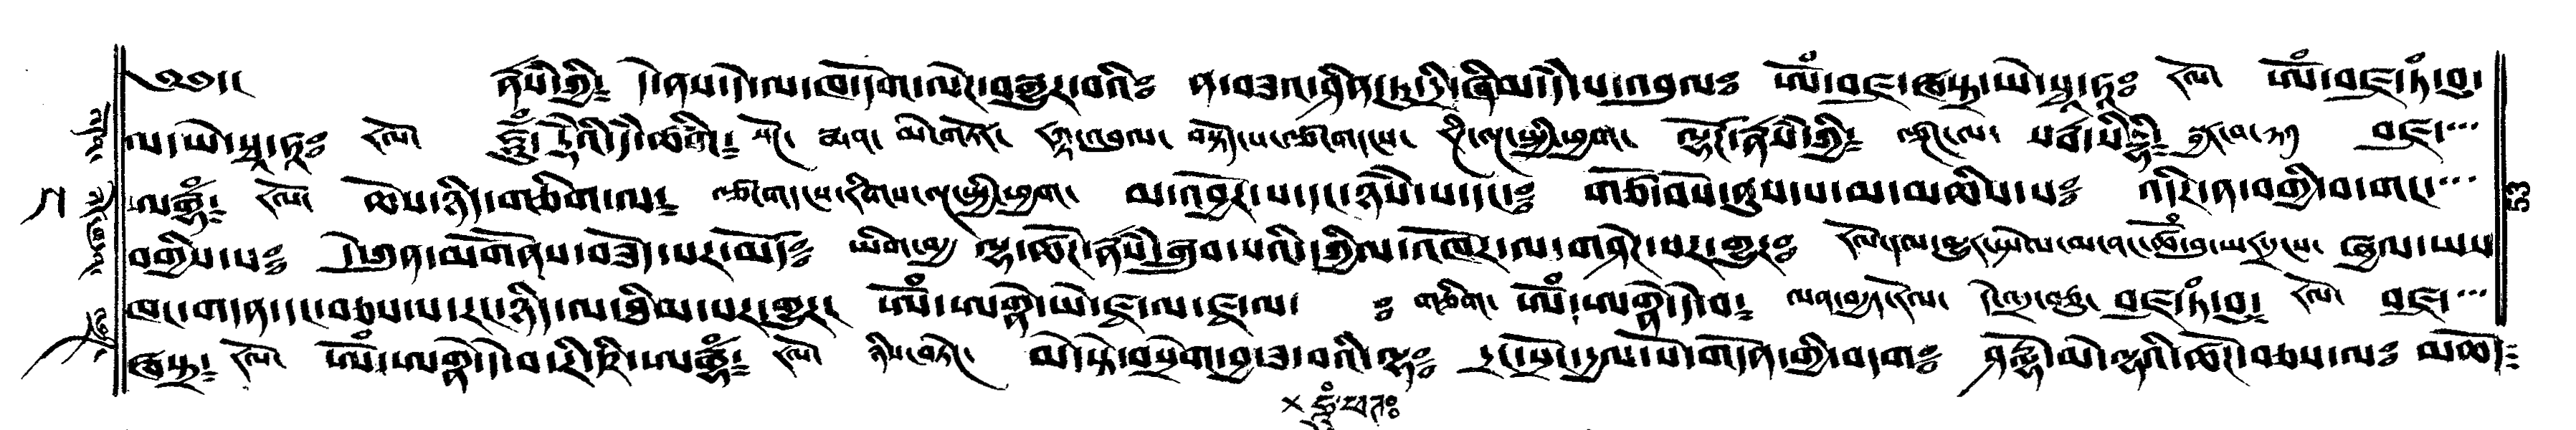རྣམས་ཀྱི༴ དེ་ནས་དེ་ལ་ཁ་དོག་ལེགས་བསྒྱུར་བའི། །ན་བཟའ་ཤིན་ཏུ་དྲི་ཞིམ་དམ་པ་འབུལ། ཨོཾ་བཛྲ་ཝསྟྲ་ཡེ་སྭ་ཧཱཿ རོལ། ཨོཾ་བཛྲ་ཏཾ་བུ་
ལ་ཡེ་སྭ་ཧཱཿ རོལ། ཧཱུྃཿ རྡོ་རྗེའི་དམ་ཚིག༴ སོགས། སྨན། མེ་གཏོར། རཀྟ་འབུལ། བསྟོད་པ་རྩ་གདངས། རིགས་ལྔ་སྤྱི་ཕྱག ལྷ་ཚོགས་རྣམས་ཀྱི༴ རྩ་སྔགས་ལ། སརྦ་སིདྡྷི༴ སྦྱར་བ་ཉེར་གཅིག བཛྲ་
ཨརྒྷཾ༴ རོལ། ཆོས་ཉིད་གཅིག་ལ༴ རྩ་གདངས་རིགས་ལྔ་སྤྱི་ཕྱག མ་འབྱོར་པ་དང་ཉམས་པ་དང་། གཙོ་བོས་ནུས་པ་མ་མཆིས་པ། །འདིར་ན་བགྱི་བ་གང་
ནོངས་པ། །དེ་ཀུན་མགོན་པོས་བཟོད་པར་མཛོད། ཡིག་བརྒྱ། ལྷ་ཚོགས་རྣམས་སྒྲུབ་པའི་དཀྱིལ་འཁོར་ལ་གཤེགས་པར་གྱུརཿརོལ་དལ་མྱུར་སྤེལ་མའི་ནང་ཚོམ་བུ་ཡར་དྲངས། གཞལ་ཡས་
ཁང་གདན་དང་བཅས་པ་རང་ཉིད་ལ་ཐིམ་པར་གྱུརཿ ཨོཾ་ཨགྣེ་ཡེ་ཛྭ་ལ་ཛྭ་ལཿ གཅིག ཨོཾ་ཨགྣེ་དེ་བ༴ ལན་བརྒྱད། རོལ། དེ་འདྲ་བཅུ། བཛྲ་ཏཾ་བུ༴ རོལ། བཛྲ་
ཝ་སྟྲ༴ རོལ། ཨོཾ་ཨགྣེ་དེ་བ་རི་རི་ཨརྒྷཾ༴ རོལ། ཉིས་བཏེགས། མེ་སྟེ་བསྲེག་བྱ་ཟ་བའི་ལྷ། །དྲང་སྲོང་རྒྱལ་པོ་གདོན་གྱི་བདག །ཤར་ལྷོ་མེ་ལྷའི་ཚོགས་བཅས་ལ། །མཆོད་